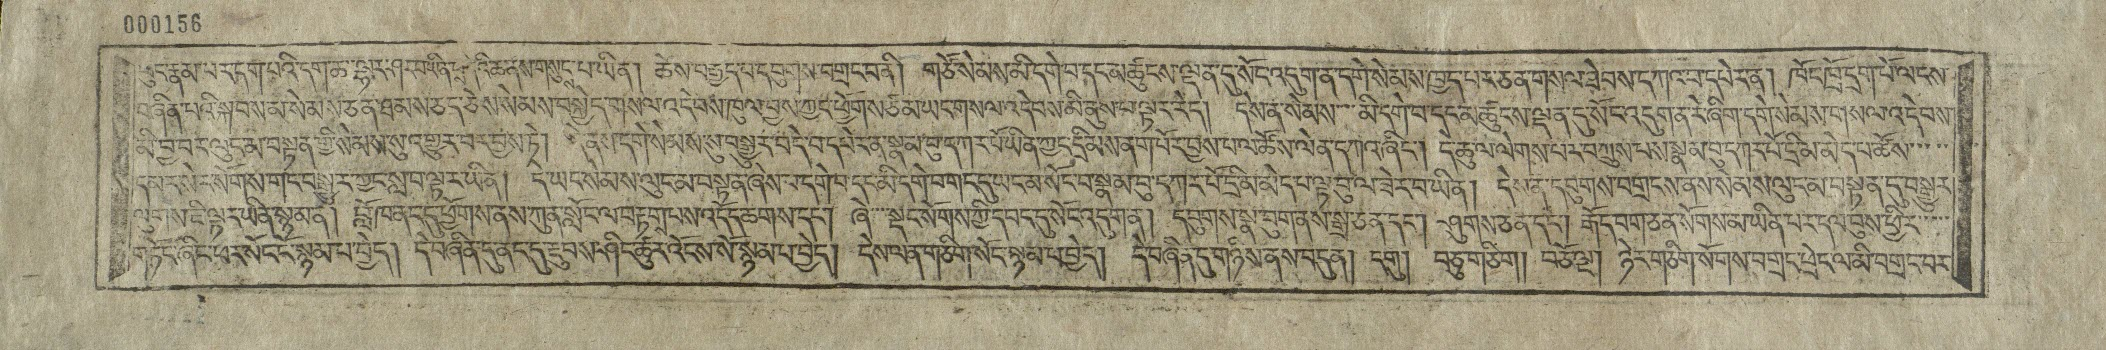ཕུང་རྣམ་པར་དག་པའི་དག་ཆ་ལྷར་ཤར་བ་ཡིན་པས་དེའི་ཆ་ནས་གསུངས་པ་ཡིན། ཆོས་བརྒྱད་པ་དབུགས་བགྲང་བ་ནི། གཙོ་སེམས་མི་དགེ་བ་དང་མཚུངས་ལྡན་དུ་སོང་འདུག་ན་དགེ་སེམས་ཁྱད་པར་ཅན་གསལ་ཐེབས་དཀའ་བ་དཔེར་ན། ཁོང་ཁྲོ་དྲག་པོ་ལངས་
བཞིན་པའི་སྐབས་མ་སེམས་ཅན་ཐམས་ཅད་ཅེས་སེམས་བསྐྱེད་གསལ་འདེབས་ཁུལ་བྱས་ཀྱང་ཕྱོགས་ཙམ་ཡང་གསལ་འདེབས་མི་ནུས་པ་ལྟར་རེད། དེས་ན་སེམས་མི་དགེ་བ་དང་མཚུངས་ལྡན་དུ་སོང་འདུག་ན་རེ་ཞིག་དགེ་སེམས་གསལ་འདེབས་
མི་བྱ་བར་ལུང་མ་བསྟན་གྱི་སེམས་སུ་འགྱུར་བར་བྱས་ཏེ། དེ་ནས་དགེ་སེམས་སུ་བསྒྱུར་བདེ་བ་དཔེར་ན་སྣམ་བུ་དཀར་པོ་ཡིན་ཀྱང་དྲི་མས་ནག་པོར་བྱས་པ་ལ་ཚོས་ལེན་དཀའ་ཞིང་། དེ་ཆུ་ལ་ལེགས་པར་བཀྲུས་པས་སྣམ་བུ་དཀར་པོ་དྲི་མ་མེད་པ་ཚོས་
དམར་སེར་སོགས་གང་བསྒྱུར་ཀྱང་སླ་བ་ལྟར་ཡིན། དེ་ཡང་སེམས་ལུང་མ་བསྟན་ཞེས་པ་དགེ་བ་དང་མི་དགེ་བ་གང་དུ་ཡང་མ་སོང་བ་སྣམ་བུ་དཀར་པོ་དྲི་མ་མེད་པ་ལྟ་བུ་ལ་ཟེར་བ་ཡིན། དེས་ན་དབུགས་བགྲངས་ནས་སེམས་ལུང་མ་བསྟན་དུ་བསྒྱུར་
ལུགས་ཇི་ལྟར་ཡིན་སྙམ་ན། བློ་ཁ་ནང་དུ་ཕྱོགས་ནས་ཀུན་སློང་ལ་བརྟགས་པས་འདོད་ཆགས་དང་། ཞེ་སྡང་སོགས་ཀྱི་དབང་དུ་སོང་འདུག་ན། དབུགས་སྣ་བུག་ནས་སྒྲ་ཅན་དང་། ཤུགས་ཅན་དང་། རྒོད་བག་ཅན་སོགས་མ་ཡིན་པར་དལ་བུས་ཕྱིར་
གཏོང་ཞིང་ཕར་སོང་ངོ་སྙམ་པ་བྱེད། དེ་བཞིན་དུ་ནང་དུ་རྔུབས་ཤིང་ཚུར་འོངས་སོ་སྙམ་པ་བྱེད། དེས་ལན་གཅིག་སོང་སྙམ་པ་བྱེད། དེ་བཞིན་དུ་གཉིས་ནས་བདུན། དགུ། བཅུ་གཅིག །བཅོ་ལྔ། ཉེར་གཅིག་སོགས་བགྲང་ཕྲེང་ལ་མི་བགྲང་བར་